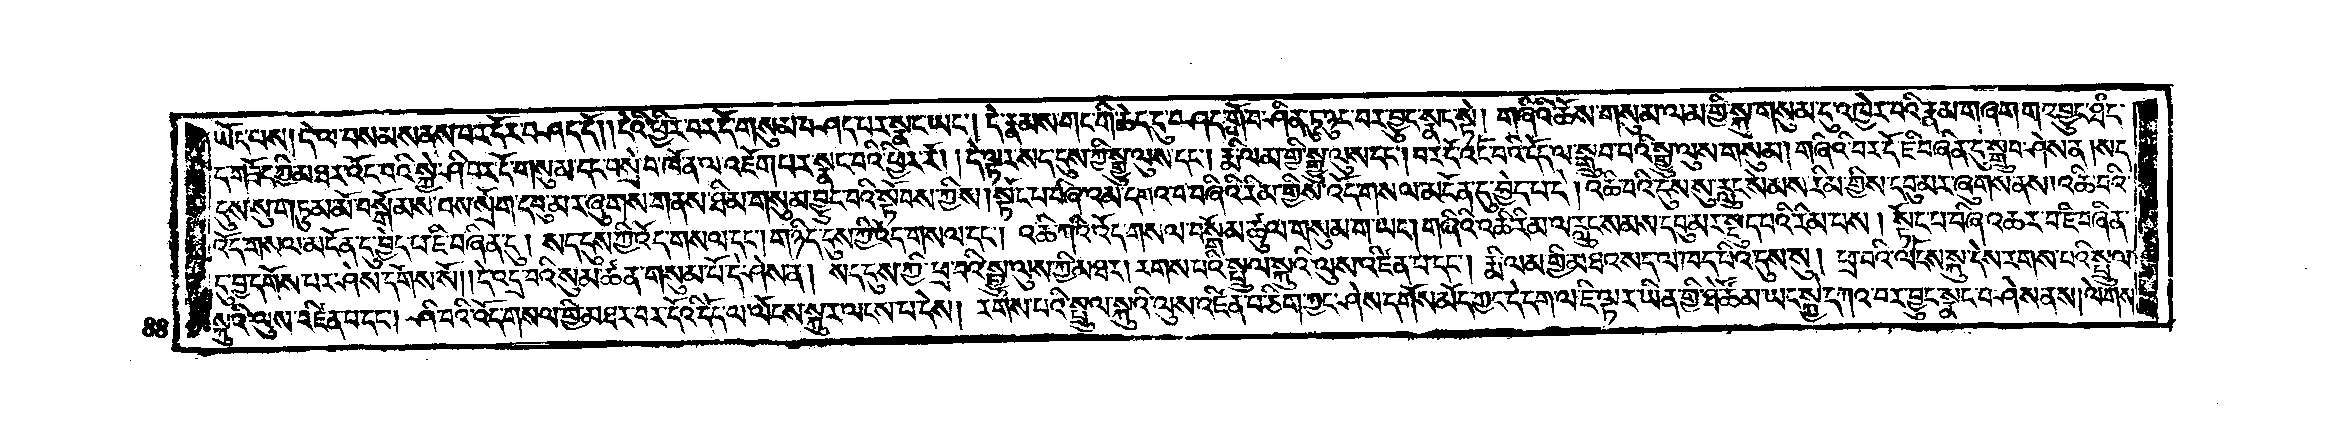ཡོད་པས། དེ་ལ་བསམས་ནས་བར་དོར་བཤད་དོ། །དེའི་ཕྱིར་བར་དོ་གསུམ་བཤད་པར་སྣང་ཡང་། དེ་རྣམས་གང་གི་ཆེད་དུ་བཤད་པ་གོ་བ་ཤིན་ཏུ་ཉུང་བར་བྱུང་སྣང་སྟེ། གཞིའི་ཆོས་གསུམ་ལམ་གྱི་སྐུ་གསུམ་དུ་འཁྱེར་བའི་རྣམ་གཞག་གང་བྱུང་ཐམས་ཅད་
ད་གཟོད་ཀྱི་མཐར་འོང་བའི་སྐྱེ་ཤི་བར་དོ་གསུམ་དང་བསྲེ་བ་ཁོ་ན་ལ་འཇོག་པར་སྣང་བའི་ཕྱིར་རོ། །དེ་ལྟར་སད་དུས་ཀྱི་སྒྱུ་ལུས་དང་། རྨི་ལམ་གྱི་སྒྱུ་ལུས་དང་། བར་དོ་འོང་བའི་དོད་ལ་སྒྲུབ་པའི་སྒྱུ་ལུས་གསུམ། གཞིའི་བར་དོ་ཇི་བཞིན་དུ་སྒྲུབ་ཤེས་ན། སད་
དུས་སུ་གཏུམ་མོ་བསྒོམས་པས་སྲོག་དབུ་མར་ཞུགས་གནས་ཐིམ་གསུམ་བྱུང་བའི་སྟོབས་ཀྱིས། སྟོང་པ་བཞི་འམ་དགའ་བ་བཞིའི་རིམ་གྱིས་འོད་གསལ་མངོན་དུ་བྱེད་པ་དེ། འཆི་བའི་དུས་སུ་རླུང་སེམས་རིམ་གྱིས་དབུ་མར་ཞུགས་ནས། འཆི་བའི་
འོད་གསལ་མངོན་དུ་བྱེད་པ་ཇི་བཞིན་དུ། སད་དུས་ཀྱི་འོད་གསལ་དང་། གཉིད་དུས་ཀྱི་འོད་གསལ་དང་། འཆི་ཀའི་འོད་གསལ་བསྒོམ་ཚུལ་གསུམ་ག་ཡང་། གཞིའི་འཆི་རིམ་ལ་རླུང་སེམས་དབུ་མར་སྡུད་པའི་རིམ་པས། སྟོང་པ་བཞི་འཆར་བ་ཇི་བཞིན་
དུ་བྱ་དགོས་པར་ཤེས་དགོས་སོ། །དེ་འདྲ་བའི་སུམ་ཚན་གསུམ་པོ་དེ་ཤེས་ན། སད་དུས་ཀྱི་ཕྲ་བའི་སྒྱུ་ལུས་ཀྱི་མཐར། རགས་པའི་སྤྲུལ་སྐུའི་ལུས་འཛིན་པ་དང་། རྨི་ལམ་གྱི་མཐའ་སད་ལ་ཁད་པའི་དུས་སུ། ཕྲ་བའི་ལོངས་སྐུ་དེས་རགས་པའི་སྤྲུལ་
སྐུའི་ལུས་འཛིན་པ་དང་། ཤ་བའི་འོད་གསལ་གྱི་མཐར་བར་དོའི་དོད་ལ་ལོངས་སྐུར་ལངས་པ་དེས། རགས་པའི་སྤྲུལ་སྐུའི་ལུས་འཛིན་པ་ཅིག་ཀྱང་ཤེས་དགོས་མོད་ཀྱང་དེ་དག་ལ་ཇི་ལྟར་ཡིན་གྱི་ཐེ་ཚོམ་ཡང་སྐྱེ་དཀའ་བར་བྱུང་སྣང་བ་ཤེས་ནས། ལེགས་